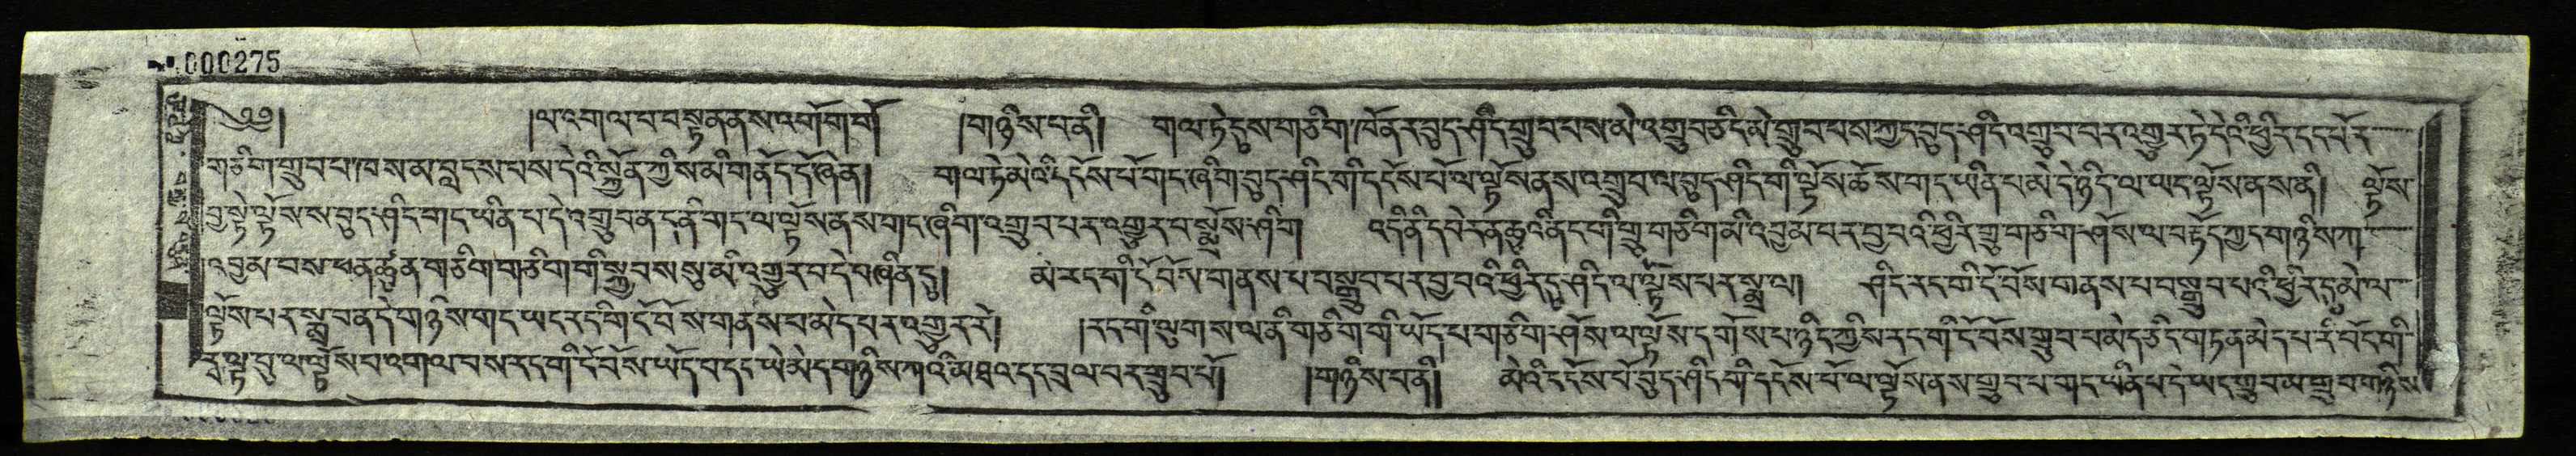༄༅། །ལ་འགལ་བ་བསྟན་ནས་འགོག་གོ །གཉིས་པ་ནི། གལ་ཏེ་དུས་གཅིག་ཁོ་ནར་བུད་ཤིང་གྲུབ་པས་མེ་འགྲུབ་ཅིང་མེ་གྲུབ་པས་ཀྱང་བུད་ཤིང་འགྲུབ་པར་འགྱུར་ཏེ་དེའི་ཕྱིར་དང་པོར་
གཅིག་གྲུབ་པ་ཁས་མ་བླངས་པས་དེའི་སྐྱོན་ཀྱིས་མི་གནོད་དོ་ཞེ་ན། གལ་ཏེ་མེའི་དངོས་པོ་གང་ཞིག་བུད་ཤིང་གི་དངོས་པོ་ལ་ལྟོས་ནས་འགྲུབ་ལ་བུད་ཤིང་གི་ལྟོས་ཆོས་གང་ཡིན་པ་མེ་དེ་ཉིད་ལ་ཡང་ལྟོས་ནས་ནི། ལྟོས་
བྱ་སྟེ་ལྟོས་ས་བུད་ཤིང་གང་ཡིན་པ་དེ་འགྲུབ་ན་ད་ནི་གང་ལ་ལྟོས་ནས་གང་ཞིག་འགྲུབ་པར་འགྱུར་བ་སྨྲོས་ཤིག་འདི་ནི་དཔེར་ན་ཆུའི་ནང་གི་གྲུ་གཅིག་མི་འབྱམ་པར་བྱ་བའི་ཕྱིར་གྲུ་གཅིག་ཤོས་ལ་བརྟོད་ཀྱང་གཉིས་ཀ་
འབྱམ་པས་ཕན་ཚུན་གཅིག་གཅིག་གི་སྐྱབས་སུ་མི་འགྱུར་བ་དེ་བཞིན་དུ། མེ་རང་གི་ངོ་བོས་གནས་པ་བསྒྲུབ་པར་བྱ་བའི་ཕྱིར་དུ་ཤིང་ལ་ལྟོས་པར་སྨྲ་ལ། ཤིང་རང་གི་ངོ་བོས་གནས་པ་བསྒྲུབ་པའི་ཕྱིར་དུ་མེ་ལ་
ལྟོས་པར་སྨྲ་བ་ན་དེ་གཉིས་གང་ཡང་རང་གི་ངོ་བོས་གནས་པ་མེད་པར་འགྱུར་རོ། །རང་གི་ལུགས་ལ་ནི་གཅིག་གི་ཡོད་པ་གཅིག་ཤོས་ལ་ལྟོས་དགོས་པ་ཉིད་ཀྱིས་རང་གི་ངོ་བོས་གྲུབ་པ་མེད་ཅིང་གཏན་མེད་པ་རི་བོང་གི་
རྭ་ལྟ་བུ་ལ་ལྟོས་པ་འགལ་བས་རང་གི་ངོ་བོས་ཡོད་པ་དང་ཡེ་མེད་གཉིས་ཀའི་མཐའ་དང་བྲལ་བར་གྲུབ་པོ། །གཉིས་པ་ནི། མེའི་དངོས་པོ་བུད་ཤིང་གི་དངོས་པོ་ལ་ལྟོས་ནས་གྲུབ་པ་གང་ཡིན་པ་དེ་ཡང་གྲུབ་མ་གྲུབ་གཉིས་